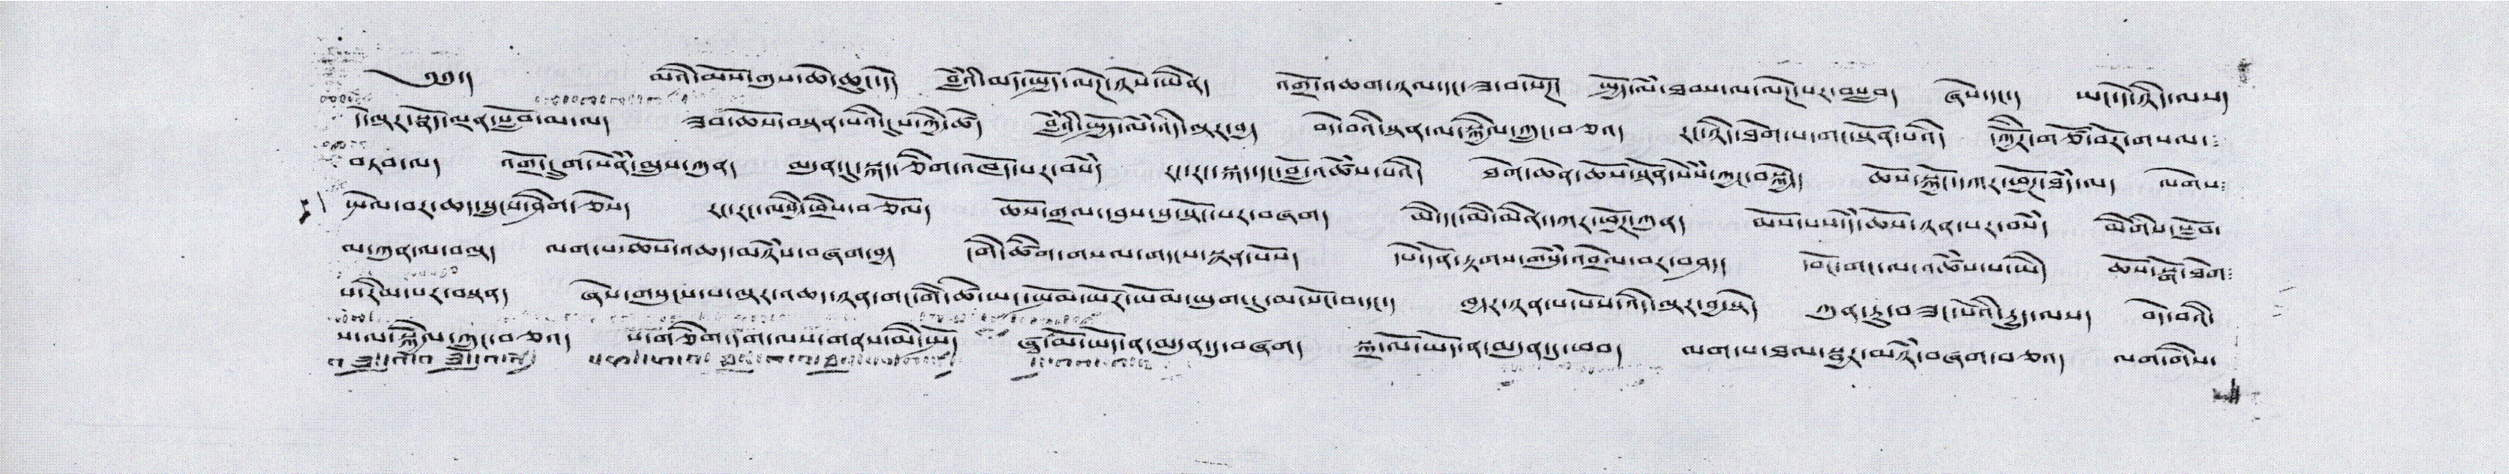མའི་མོས་གུས་ཆེ་ཆུང་དེ། བླ་མའི་མཛད་སྤྱོད་ལེགས་ཉེས་ཡིན། །འགྲོ་འཆག་ཉལ་དང་ཟ་བ་སོགས། །སྤྱོད་ལམ་ཐབས་ལ་ལེགས་པར་བསླབ། །ཞེས་དང་། ཡང་དེ་ཉིད་ལས། 
དེ་ལྟར་སྣོད་ལྡན་སློབ་མ་ལ། །ཟབ་ཆོས་བསྟན་པའི་དུས་ཀྱི་ཚེ། །བླ་མའི་སྤྱོད་ལམ་འདི་ལྟར་བྱ། །བདེ་བའི་སྟན་ལ་སྐྱིལ་ཀྲུང་བཅའ། །རང་ཉིད་ཐེག་པ་གང་སྟོན་པའི། །དཀྱིལ་འཁོར་གཙོ་བོར་གསལ་
བཏབ་ལ། །འགྲོ་དྲུག་སེམས་ཅན་མ་ལུས་ཀུན། །མདུན་དུ་སྐད་ཅིག་འཁོད་པར་བསམ། །རང་རང་སྐད་དང་བློ་འཚམས་པའི། །ཐེག་ཆེན་ཆོས་སྟོན་སེམས་ཀྱང་བསྐྱེད། །ཆོས་སྐྱོང་དཀར་ཕྱོགས་ཐམས་ཅད་ལ། །ལེགས་
སྤེལ་བར་ཆད་སྲུངས་ཤིག་ཅེས། །རང་རང་ལས་ཀྱི་ཕྲིན་ལས་བཅོལ། །ཆོས་གྲལ་དབུས་སུ་སྟོང་པར་བཞག །མི་དང་མི་མིན་དཀར་ཕྱོགས་ཀུན། །མོས་པར་དམ་ཆོས་ཉན་པར་བསམ། །མིག་གིས་སློབ་
མ་ཀུན་ལ་བལྟ། །ལག་པ་ཆོས་འཆད་མཉམ་གཞག་བྱ། །ངག་གི་ཚིག་གསལ་གདངས་སྙན་པོས། །དཔེ་དོན་རྟགས་གསུམ་འབྲེལ་བར་བཤད། །དབང་པོ་གང་ལ་འཚམ་པ་ཡི། །ཆོས་སྒོ་ཐེག་
པ་རིམ་པར་བསྟན། །ཞེས་གསུངས་པ་ལྟར་འཆད་ཉན་གང་གི་ཚེ་ཡང་སྤོམ་ཡོར་ཡོམ་ཡུག་ཏུ་མ་སོང་བ་དང་། ཁྱད་པར་ཉན་པ་པོས་འདི་ལྟར་བྱ་སྟེ། ཀུན་ཏུ་བཟང་པོའི་རྒྱུད་ལས། བདེ་བའི་
ས་ལ་སྐྱིལ་ཀྲུང་བཅའ། །ས་གཅིག་དག་ལས་གནས་མི་སྤོ། །ཞྭ་མོ་ཡོད་ན་མདུན་དུ་བཞག །སྐྲ་ལོ་ཡོད་ན་མདུན་དུ་ཕབ། །ལག་པ་ཐལ་སྦྱར་མཉམ་གཞག་བཅའ། །ལག་གིས་